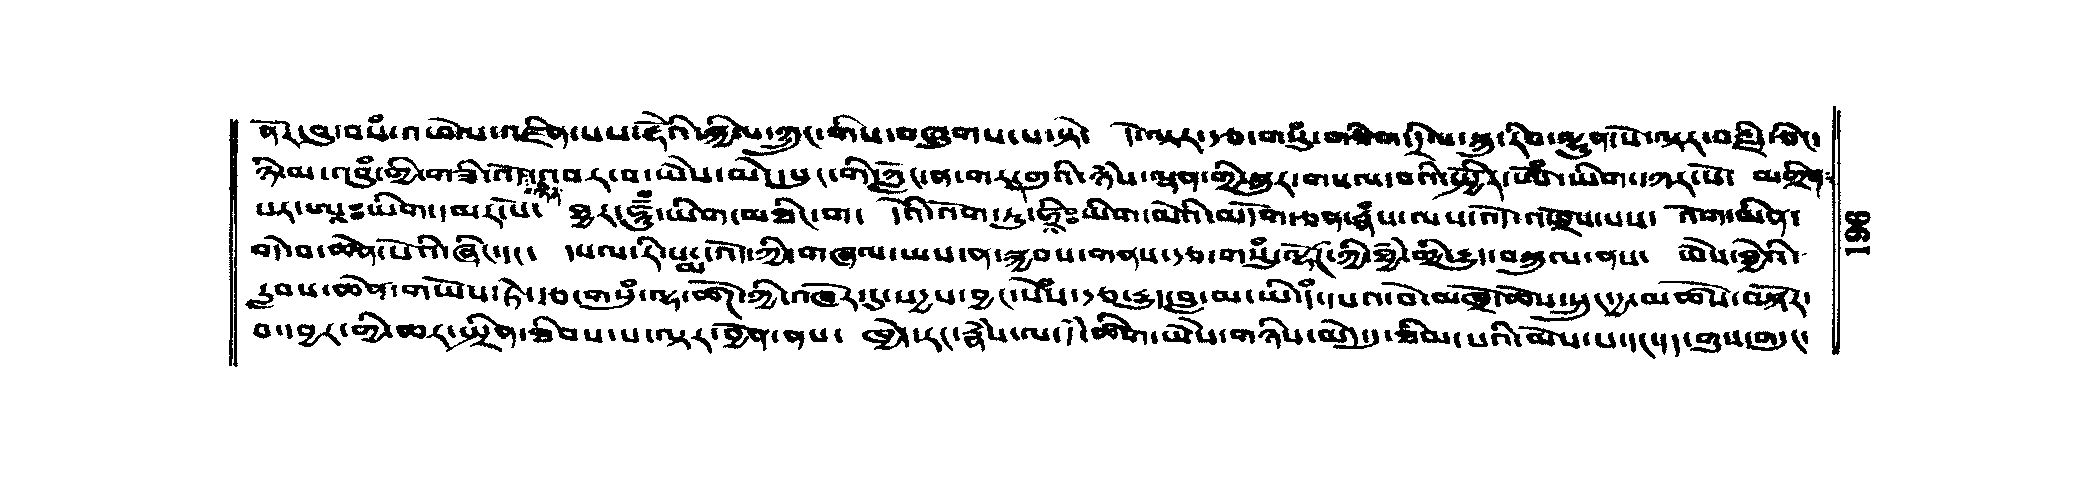ནོར་བུ་བསམ་འཕེལ་འཛིན་པས་རྡོ་རྗེའི་སྐྱིལ་ཀྲུང་གིས་བཞུགས་པ་སྟེ། དེ་ལྟར་རྩ་གསུམ་གཅིག་དྲིལསྐུ་རིབ་ལྷུན་པོ་ལྟར་བརྗིད་ཅིང་
ཉི་མ་འབུམ་གྱི་གཟི་འོད་བསྟན་འབར་བ་ཡེ་ཤེས་མེ་དཔུག་གི་ཀློང་ན་གཏར་གུའི་ཉམས་ལྡན་གྱི་སྐུར་གསལ་བའི་སྤྱི་བོར་ཨོཾ་ཡིག་དཀར་པོ། མགྲིན་
པར་ཨཱཿཡིག་དམར་པོ། ཐུགས་ཀར་ཧཱུྃ་ཡིག་མཐིང་ག དེའི་འོག་ཏུ་ཧྲཱིཿཡིག་མེའི་མདོག་ཅན་རྣམས་ལས་འོད་འཕྲོས་པས། འོག་མིན་
བདེ་བ་ཆེན་པོའི་ཞིང་དང་། དཔལ་རི་པདྨ་འོད་ཀྱི་གཞལ་ཡས་ན་སྐྱབས་གནས་རྩ་གསུམ་ལྷ་ཚོགས་ཀྱི་ཐུགས་དམ་གྱི་རྒྱུད་བསྐུལ་ནས། ཡེ་ཤེས་ཐུགས་རྗེའི་
རླབས་ཆེན་གཡོས་ཏེ་རྩ་གསུམ་ལྷ་ཚོགས་ཀྱི་འཁོར་དུ་སངས་རྒྱས་བྱང་སེམས་རྩ་རྒྱུད་བླ་མ་ཡི་དམ་དཔའ་བོ་མཁའ་འགྲོ་ཆོས་སྲུང་རྒྱ་མཚོས་བསྐོར་
བ་དབྱར་གྱི་ཆར་སྤྲིན་ཐིབས་པ་ལྟར་བྱོན་ནས། ཁྱེད་རང་རྣམས་ལ་དམ་ཚིག་ཡེ་ཤེས་གཉིས་མེད་དུ་ཐིམ་པའི་མོས་པ་དང་དད་གུས་གདུང་